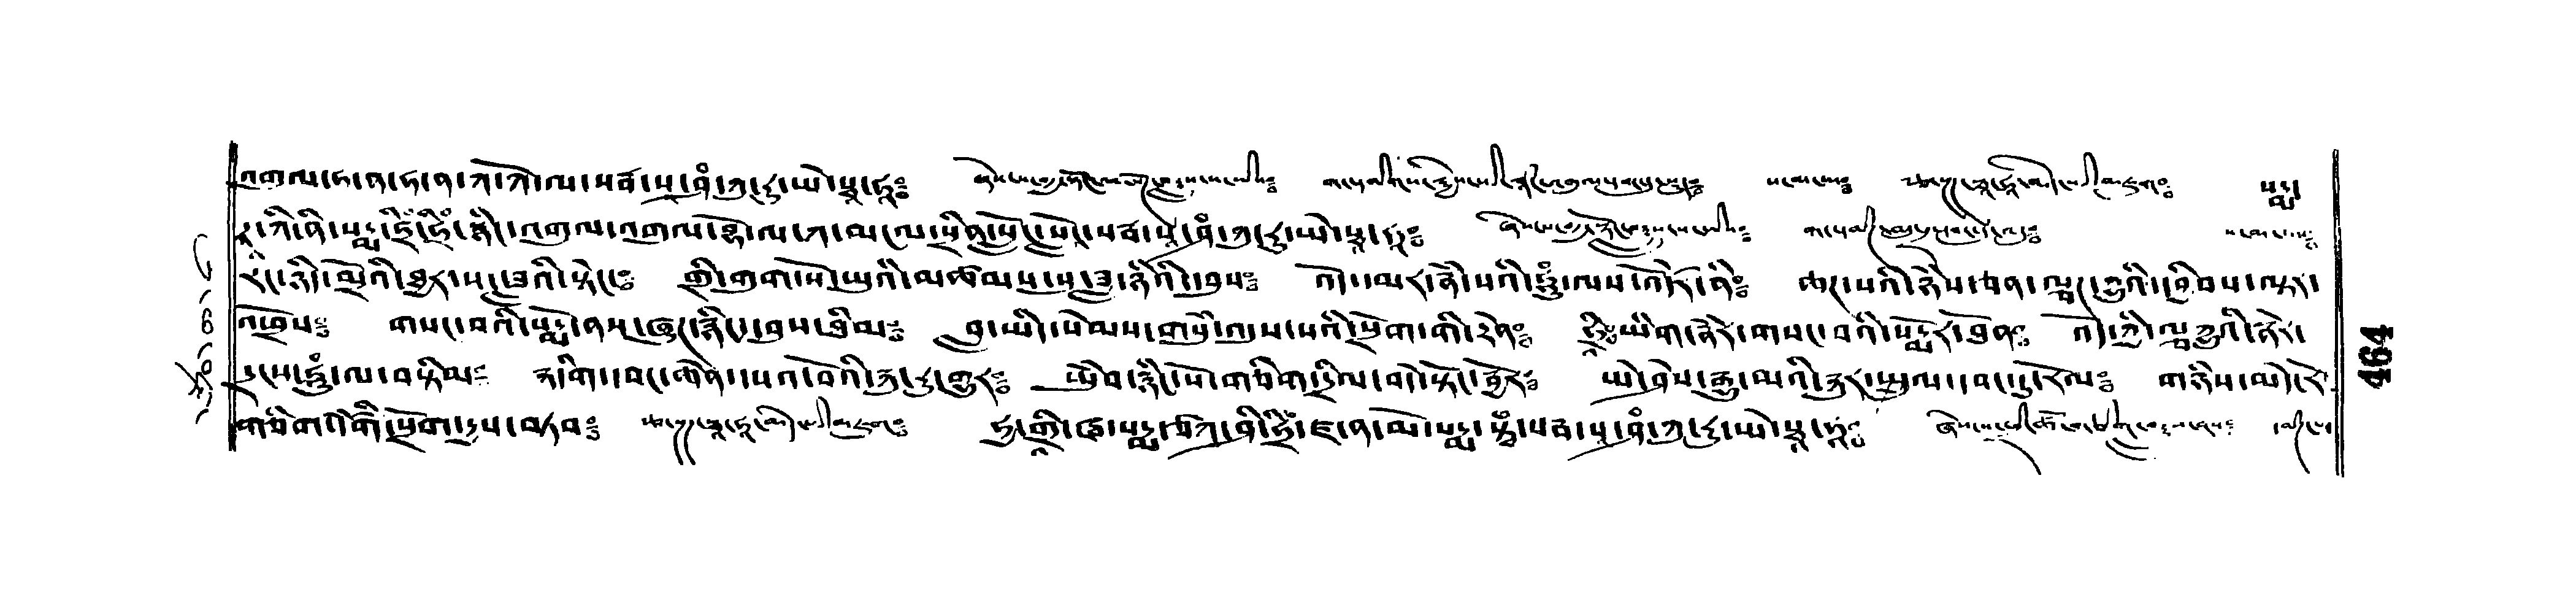འགུལ་ཧ་ན་ཧ་ན་ཀ་ཀོ་ལ་སརྦ་པཱ་ཤཾ་ཀུ་རུ་ཡེ་སྭཱ་ཧཱ༔ ཞེས་པ་བརྒྱ་སྟོང་ལ་སོགས་བཟླས་པ་ཡིས༔ གང་དམིགས་སྐྱེས་པའི་སྙིང་འགུལ་དབང་དུ་སྡུད༔ ས་མ་ཡ༔ རྩ་སྔགས་སྭཱ་ཧཱ་མེད་པའི་མཇུག༔ པདྨ་
ཌཱ་ཀི་ནི་པདྨ་ཧྲིཾ་ཧྲིཾ་སྙིང་འགུལ་འགུལ་བྷོ་ལ་ཀ་མངལ་སྲིན་སློང་སློང་སརྦ་པཱ་ཤཾ་ཀུ་རུ་ཡེ་སྭཱ་ཧཱ༔ ཞེས་པ་བརྒྱ་སྟོང་བཟླས་པ་ཡིས༔ གང་དམིགས་མུ་དྲ་དབང་དུ་འདུ༔ ས་མ་ཡ༔ 
རང་ཉིད་མཁའ་འགྲོའི་ཐུགས་ཀར་པད་ཟླའི་སྟེང༔ གྲི་གུག་སོ་ཡུའི་མཚམས་སུ་ཟླ་ཉིའི་དབུས༔ འོད་དམར་རྣམ་པའི་ཧཱུཾ་ལས་འོད་ཟེར་ནི༔ ཆགས་པའི་ཉམས་ཅན་ལྕགས་ཀྱུའི་དབྱིབས་ལྟར་
འཕྲོས༔ གསང་བའི་པདྨོ་ནས་ཞུགས་སྙིང་དབུས་ཐིམ༔ བླ་ཡིད་སེམས་གསུམ་འདུས་པའི་སྲོག་གི་རྟེན༔ ཧྲཱིཿཡིག་རྣམ་པར་གསང་བའི་པདྨོར་ཐོན༔ འོད་ཀྱི་ལྕགས་ཀྱུའི་སྣེར་
དྲངས་ཧྃའུ་ལ་བསྟིམ༔ སྐད་ཅིག་དབང་ཆེན་དཔའ་བོའི་སྐུ་རུ་གྱུར༔ ཡབ་ཡུམ་སྙིང་པོ་གཅིག་དྲིལ་བདེ་སྟོང་སྦྱོར༔ ཡེ་ཤེས་སྒྱུ་མའི་སྐུར་སྤྲུལ་དབང་དུ་རོལ༔ གཉིས་མེད་རོ་
གཅིག་དམ་ཚིག་སྲོག་རྒྱས་བཏབ༔ རྩ་སྔགས་སྭཱ་ཧཱ་མེད་པའི་མཇུག༔ ཧྱ་གྲཱི་ཝ་པདྨ་ཙཀ་ཤི་ཧྲིཾ་ཛ་ན་མོ་པདྨ་སྟྭཾ་སརྦ་པཱ་ཤཾ་ཀུ་རུ་ཡེ་སྭཱ་ཧཱ༔ཞེས་པ་ཁྲི་ཚོ་གཅིག་བཟླས་ནས༔ དམིགས་པའི་